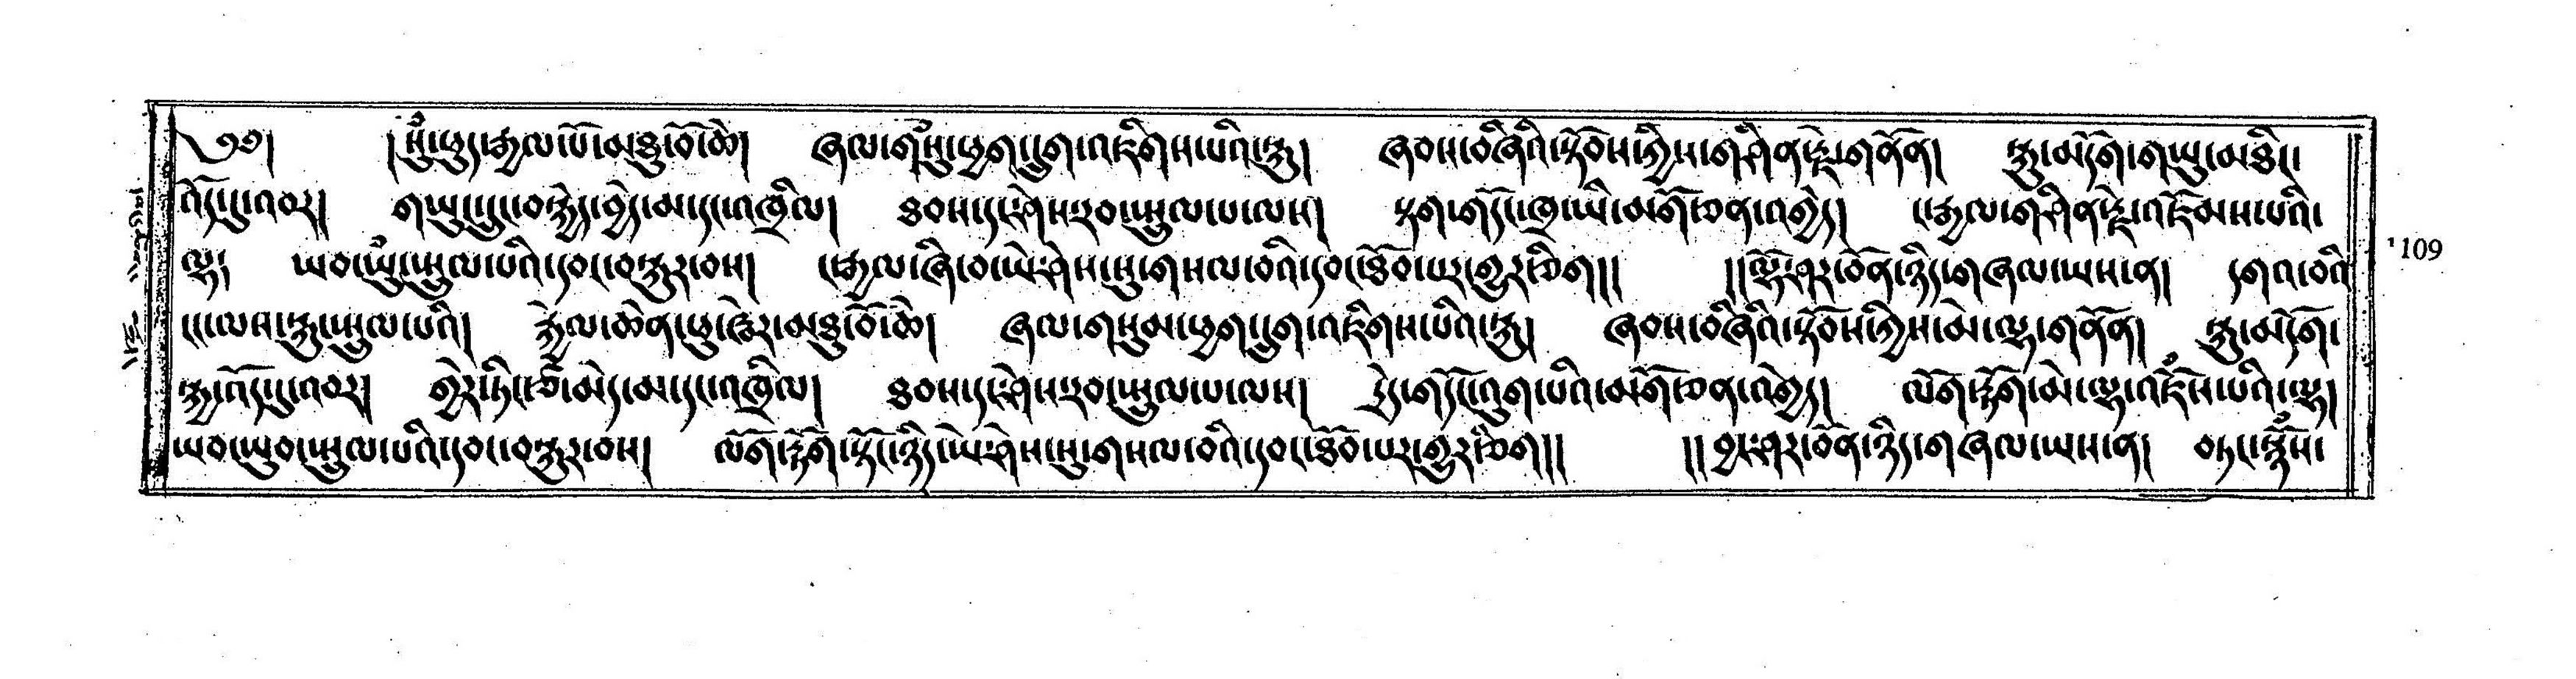སུམ་ཕུད་རྒྱལ་པོ་མཐུ་བོ་ཆེ། ཞལ་གསུམ་ཕྱག་དྲུག་འཇིགས་པའི་སྐུ། ཞབས་བཞིའི་སྟོབས་ཀྱིས་གཤིན་རྗེ་གནོན། {1129} སྐུ་མདོག་གཡུ་མཐིང་
འོད་དུ་འབར། གཡུང་དྲུང་བསྐྱེད་བྱེད་མ་དང་འཁྲིལ། ཐབས་དང་ཤེས་རབ་སྤྲུལ་པ་ལས། སྟག་གདོང་ཁྲ་ཡི་མགོ་ཅན་འགྱེད། ང་རྒྱལ་གཤིན་རྗེ་འཇོམས་པའི་
ལྷ། ཡབ་ཡུམ་སྤྲུལ་པའི་དབང་བསྐུར་བས། ང་རྒྱལ་ཞི་བ་ཡེ་ཤེས་སུ་གསལ་བའི་དབང་ཐོབ་པར་གྱུར་ཅིག །།ལྷོ་ཤར་བོན་ཉིད་གཞལ་ཡས་ན། དགའ་བའི་
ངང་ལས་སྐུ་སྤྲུལ་པའི། རྐྱེལ་ཆེན་ཕུ་ཝེར་མཐུ་བོ་ཆེ། ཞལ་གསུམ་ཕྱག་དྲུག་འཇིགས་པའི་སྐུ། ཞབས་བཞིའི་སྟོབས་ཀྱིས་མེ་ལྷ་གནོན། སྐུ་མདོག་{སྔོ་}
སྐྱ་འོད་དུ་འབར། གྱེར་ཏིང་ཙ་མེད་མ་དང་འཁྲིལ། ཐབས་དང་ཤེས་རབ་སྤྲུལ་པ་ལས། དྲེད་གདོང་འུག་པའི་མགོ་ཅན་འགྱེད། ལོག་རྟོག་མེ་ལྷ་འཇོམས་པའི་ལྷ། 
ཡབ་ཡུམ་སྤྲུལ་པའི་དབང་བསྐུར་བས། ལོག་རྟོག་སྟོང་ཉིད་ཡེ་ཤེས་སུ་གསལ་བའི་དབང་ཐོབ་པར་གྱུར་ཅིག །།བྱང་ཤར་བོན་ཉིད་གཞལ་ཡས་ན། བཏང་སྙོམས་